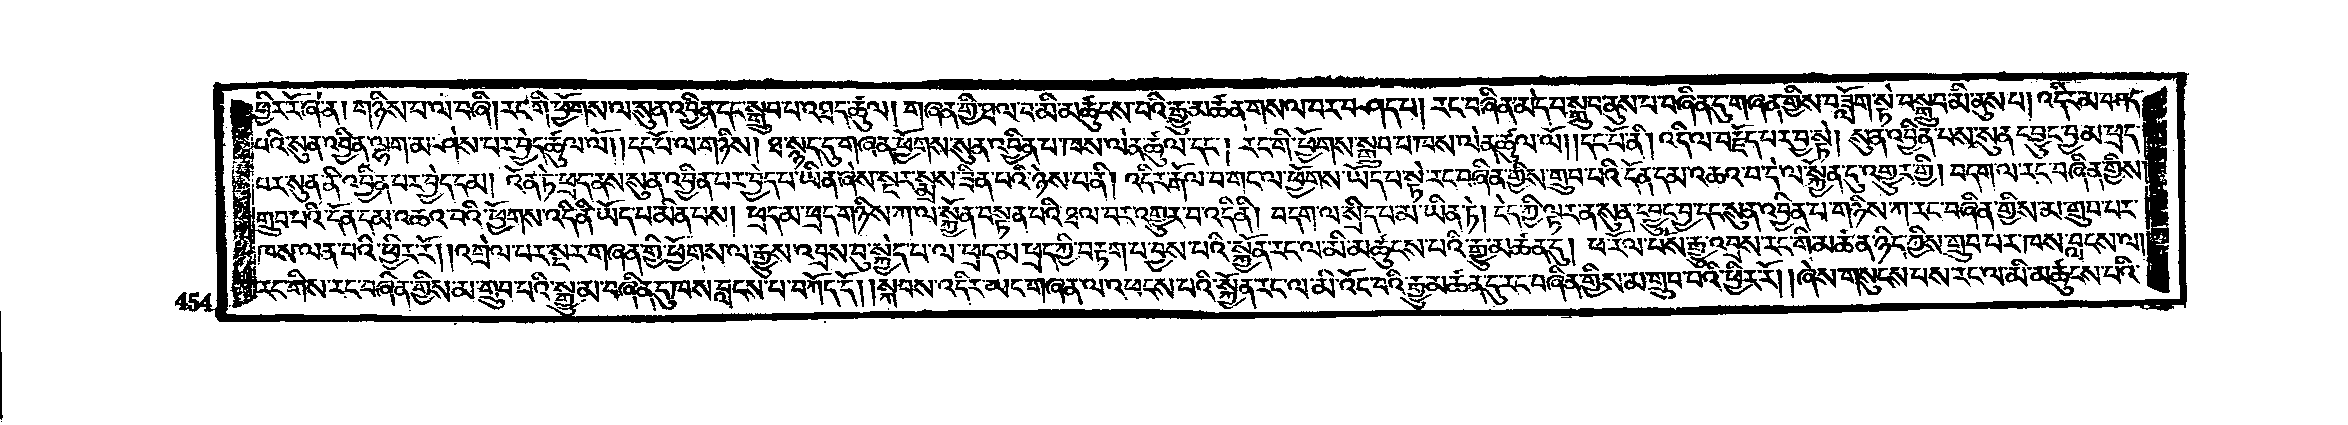ཕྱིར་རོ་ཞེ་ན། གཉིས་པ་ལ་བཞི། རང་གི་ཕྱོགས་ལ་སུན་འབྱིན་དང་སྒྲུབ་པ་འཐད་ཚུལ། གཞན་གྱི་ཐལ་བ་མི་མཚུངས་པའི་རྒྱུ་མཚན་གསལ་བར་བཤད་པ། རང་བཞིན་མེད་པ་བསྒྲུབ་ནུས་པ་བཞིན་དུ་གཞན་གྱིས་བཟློག་སྟེ་བསྒྲུབ་མི་ནུས་པ། འདིར་མ་བཤད་
པའི་སུན་འབྱིན་ལྷག་མ་ཤེས་པར་བྱེད་ཚུལ་ལོ། །དང་པོ་ལ་གཉིས། ཐ་སྙད་དུ་གཞན་ཕྱོགས་སུན་འབྱིན་པ་ཁས་ལེན་ཚུལ་དང་། རང་གི་ཕྱོགས་སྒྲུབ་པ་ཁས་ལེན་ཚུལ་ལོ། །དང་པོ་ནི། འདི་ལ་བརྗོད་པར་བྱ་སྟེ། སུན་འབྱིན་པས་སུན་དབྱུང་བྱ་མ་ཕྲད་
པར་སུན་ནི་འབྱིན་པར་བྱེད་དམ། འོན་ཏེ་ཕྲད་ནས་སུན་འབྱིན་པར་བྱེད་པ་ཡིན་ཞེས་སྔར་སྨྲས་ཟིན་པའི་ཉེས་པ་ནི། འདིར་རྒོལ་བ་གང་ལ་ཕྱོགས་ཡོད་པ་སྟེ་རང་བཞིན་གྱིས་གྲུབ་པའི་དོན་དམ་འཆའ་བ་དེ་ལ་སྐྱོན་དུ་འགྱུར་གྱི། བདག་ལ་རང་བཞིན་ཀྱིས་
གྲུབ་པའི་དོན་དམ་འཆའ་བའི་ཕྱོགས་འདི་ནི་ཡོད་པ་མིན་པས། ཕྲད་མ་ཕྲད་གཉིས་ཀ་ལ་སྐྱོན་བསྟན་པའི་ཐལ་བར་འགྱུར་བ་འདི་ནི། བདག་ལ་སྲིད་པ་མ་ཡིན་ཏེ། ངེད་ཀྱི་ལྟར་ན་སུན་འབྱུང་བྱ་དང་སུན་འབྱིན་པ་གཉིས་ཀ་རང་བཞིན་གྱིས་མ་གྲུབ་པར་
ཁས་ལེན་པའི་ཕྱིར་རོ། །འགྲེལ་པར་སྔར་གཞན་གྱི་ཕྱོགས་ལ་རྒྱུས་འབྲས་བུ་སྐྱེད་པ་ལ་ཕྲད་མ་ཕྲད་ཀྱི་བརྟག་པ་བྱས་པའི་སྐྱོན་རང་ལ་མི་མཚུངས་པའི་རྒྱུ་མཚན་དུ། ཕ་རོལ་པོས་རྒྱུ་འབྲས་རང་གི་མཚན་ཉིད་ཀྱིས་གྲུབ་པར་ཁས་བླངས་ལ།
རང་གིས་རང་བཞིན་གྱིས་མ་གྲུབ་པའི་སྒྱུ་མ་བཞིན་དུ་ཁས་བླངས་པ་བཀོད་དོ། །སྐབས་འདིར་ཡང་གཞན་ལ་འཕངས་པའི་སྐྱོན་རང་ལ་མི་འོང་བའི་རྒྱུ་མཚན་དུ་རང་བཞིན་གྱིས་མ་གྲུབ་པའི་ཕྱིར་རོ། །ཞེས་གསུངས་པས་རང་ལ་མི་མཚུངས་པའི་